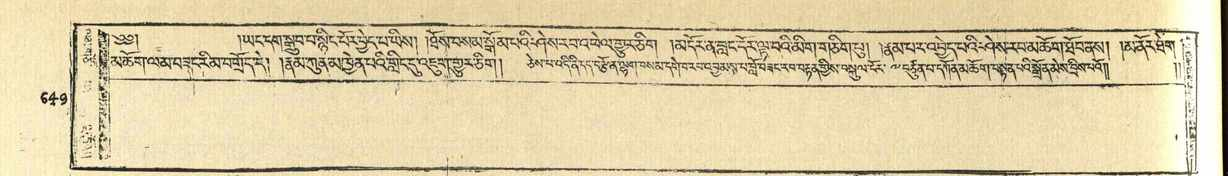༄༅། །ཡང་དག་སྒྲུབ་པ་སྙིང་པོར་བྱེད་པ་ཡིས། །ཐོས་བསམ་སྒོམ་པའི་ཤེས་རབ་འཕེལ་གྱུར་ཅིག །མདོར་ན་བླང་དོར་ལྟ་བའི་མིག་གཅིག་པུ། །རྣམ་པར་འབྱེད་པའི་ཤེས་རབ་མཆོག་ཐོབ་ནས། །མནོར་ཐེག་
མཆོག་ལམ་བཟང་རིམ་བགྲོད་དེ། །རྣམ་ཀུན་མཁྱེན་པའི་གླིང་དུ་འཇུག་གྱུར་ཅིག །ཅེས་པ་འདི་ནི་དད་བརྩོན་ལྷག་བསམ་དགེ་བ་རབ་འབྱམས་པ་བློ་བཟང་རབ་བརྟེན་གྱིས་བསྐུལ་ངོར ༧བཙུན་པ་དཀོན་མཆོག་བསྟན་པའི་སྒྲོན་མེས་བྲིས་པའོ།། །།